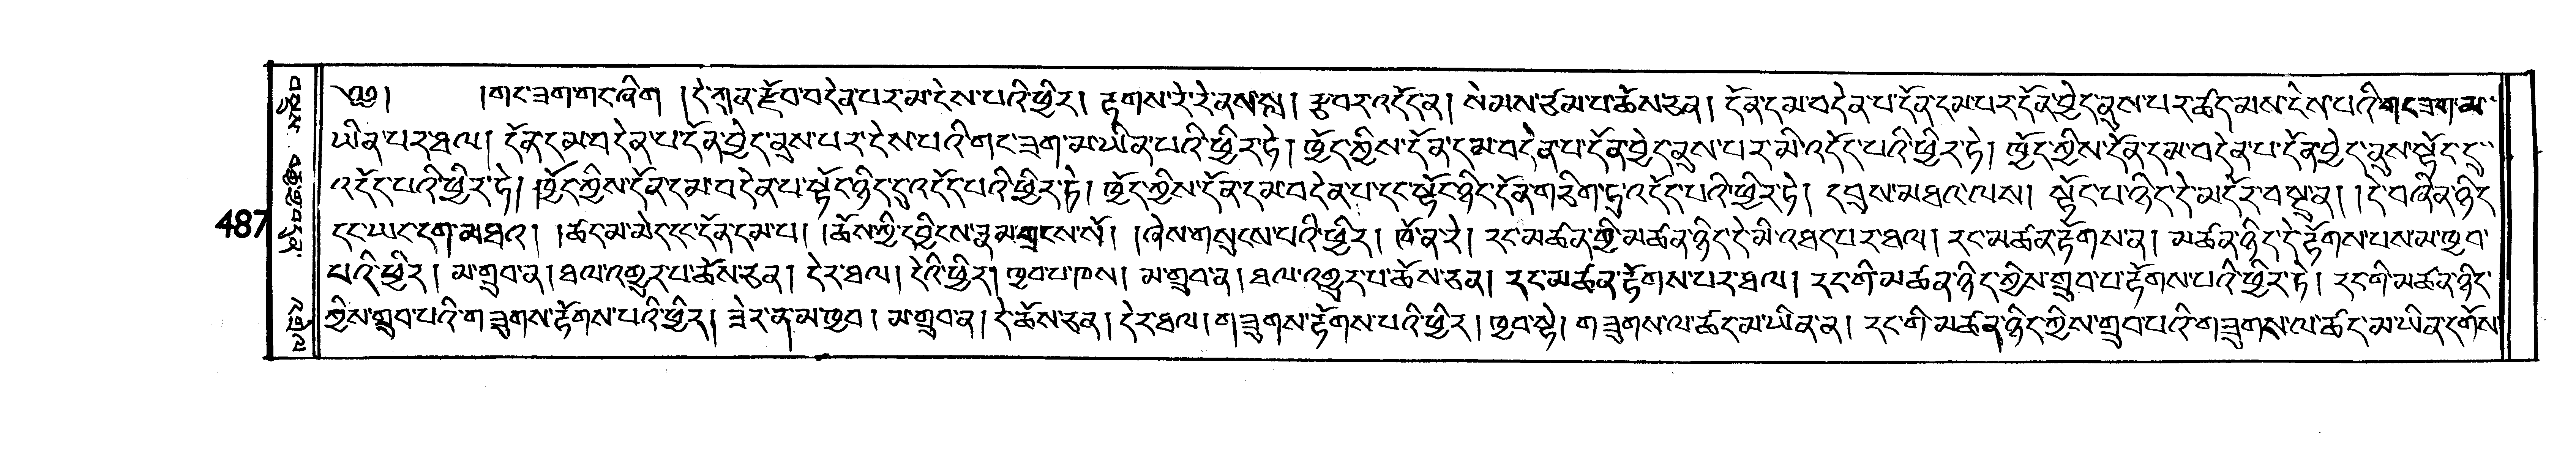༄༅། །གང་ཟག་གང་ཞིག །དེ་ཀུན་རྫོབ་བདེན་པར་མ་ངེས་པའི་ཕྱིར། རྟགས་རེ་རེ་ནས་སླ། རྩ་བར་འདོད་ན། སེམས་ཙམ་པ་ཆོས་ཅན། དོན་དམ་བདེན་པ་དོན་དམ་པར་དོན་བྱེད་ནུས་པར་ཚད་མས་ངེས་པའི་གང་ཟག་མ་
ཡིན་པར་ཐལ། དོན་དམ་བདེན་པ་དོན་བྱེད་ནུས་པར་ངེས་པའི་གང་ཟག་མ་ཡིན་པའི་ཕྱིར་ཏེ། ཁྱོད་ཀྱིས་དོན་དམ་བདེན་པ་དོན་བྱེད་ནུས་པར་མི་འདོད་པའི་ཕྱིར་ཏེ། ཁྱོད་ཀྱིས་དོན་དམ་བདེན་པ་དོན་བྱེད་ནུས་སྟོང་དུ་
འདོད་པའི་ཕྱིར་ཏེ། ཁྱོད་ཀྱིས་དོན་དམ་བདེན་པ་སྟོང་ཉིད་དུ་འདོད་པའི་ཕྱིར་ཏེ། ཁྱོད་ཀྱིས་དོན་དམ་བདེན་པ་དང་སྟོང་ཉིད་དོན་གཅིག་ཏུ་འདོད་པའི་ཕྱིར་ཏེ། དབུས་མཐའ་ལས། སྟོང་པ་ཉིད་དེ་མདོར་བསྡུ་ན། །དེ་བཞིན་ཉིད་
དང་ཡང་དག་མཐའ། །ཚད་མ་མེད་དང་དོན་དམ་པ། །ཆོས་ཀྱི་དབྱིངས་རྣམ་གྲངས་སོ། །ཞེས་གསུངས་པའི་ཕྱིར། ཁོ་ན་རེ། རང་མཚན་གྱི་མཚན་ཉིད་དེ་མི་འཐད་པར་ཐལ། རང་མཚན་རྟོགས་ན། མཚན་ཉིད་དེ་རྟོགས་པས་མ་ཁྱབ་
པའི་ཕྱིར། མ་གྲུབ་ན། ཐལ་འགྱུར་པ་ཆོས་ཅན། དེར་ཐལ། དེའི་ཕྱིར། ཁྱབ་པ་ཁས། མ་གྲུབ་ན། ཐལ་འགྱུར་པ་ཆོས་ཅན། རང་མཚན་རྟོགས་པར་ཐལ། རང་གི་མཚན་ཉིད་ཀྱིས་གྲུབ་པ་རྟོགས་པའི་ཕྱིར་ཏེ། རང་གི་མཚན་ཉིད་
ཀྱིས་གྲུབ་པའི་གཟུགས་རྟོགས་པའི་ཕྱིར། ཟེར་ན་མ་ཁྱབ། མ་གྲུབ་ན། དེ་ཆོས་ཅན། དེར་ཐལ། གཟུགས་རྟོགས་པའི་ཕྱིར། ཁྱབ་སྟེ། གཟུགས་ལ་ཚད་མ་ཡིན་ན། རང་གི་མཚན་ཉིད་ཀྱིས་གྲུབ་པའི་གཟུགས་ལ་ཚད་མ་ཡིན་དགོས་